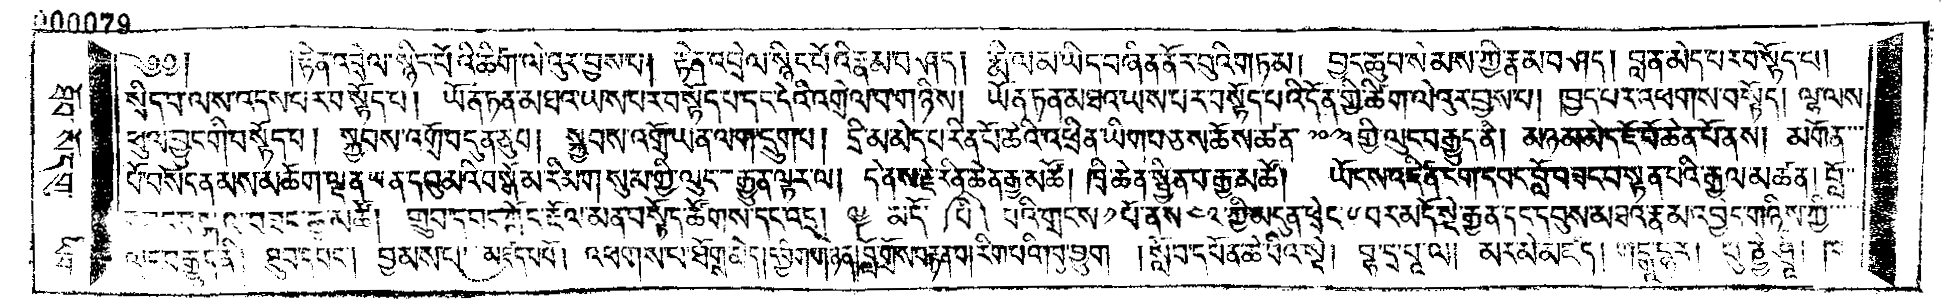༄༅། །རྟེན་འབྲེལ་སྙིང་པོའི་ཚིག་ལེ་འུར་བྱས་པ། རྟེན་འབྲེལ་སྙིང་པོའི་རྣམ་བཤད། རྨི་ལམ་ཡིད་བཞིན་ནོར་བུའི་གཏམ། བྱང་ཆུབ་སེམས་ཀྱི་རྣམ་བཤད། བླ་ན་མེད་པར་བསྟོད་པ།
སྲིད་པ་ལས་འདས་པར་བསྟོད་པ། ཡོན་ཏན་མཐའ་ཡས་པར་བསྟོད་པ་དང་དེའི་འགྲེལ་བ་གཉིས། ཡོན་ཏན་མཐའ་ཡས་པར་བསྟོད་པའི་དོན་གྱི་ཚིག་ལེའུར་བྱས་པ། ཁྱད་པར་འཕགས་བསྟོད། ལྷ་ལས་
ཕུལ་བྱུང་གི་བསྟོད་པ། སྐྱབས་འགྲོ་བདུན་ཅུ་པ། སྐྱབས་འགྲོ་ཡན་ལག་དྲུག་པ། དྲི་མ་མེད་པ་རིན་པོ་ཆེའི་འཕྲིན་ཡིག་བཅས་ཆོས་ཚན ༡༠༣་གྱི་ལུང་བརྒྱུད་ནི། མཉམ་མེད་ཇོ་བོ་ཆེན་པོ་ནས། མགོན་
པོ་བསོད་ནམས་མཆོག་ལྡན་ཡན་དབུ་མའི་བསྒོམ་རིམ་གསུམ་གྱི་ལུང་རྒྱུན་ལྟར་ལ། དེ་ནས་རྗེ་རིན་ཆེན་རྒྱ་མཚོ། ཁྲི་ཆེན་སྦྱིན་པ་རྒྱ་མཚོ། ཡོངས་འཛིན་ངག་དབང་བློ་བཟང་བསྟན་པའི་རྒྱལ་མཚན། བློ་
བཟང་བསྐལ་བཟང་རྒྱ་མཚོ། གྲུབ་དབང་ཀློང་རྔོལ་མན་བསྟོད་ཚོགས་དང་འདྲ། ༈ མདོ ༼པི༽ པའི་གྲངས ༡་པོ་ནས ༤༢་ཀྱི་མདུན་ཕྲེང ༧་བར་མདོ་སྡེ་རྒྱན་དང་དབུས་མཐའ་རྣམ་འབྱེད་གཉིས་ཀྱི་
ལུང་བརྒྱུད་ནི། ཐུབ་དབང་། བྱམས་པ་མཛད་པའོ།  འཕགས་པ་ཐོགས་མེད། །དབྱིག་གཉེན། བློ་གྲོས་བརྟན་པ། རིག་པའི་ཁུ་བྱུག །སློབ་དཔོན་ཆེ་བའི་སྡེ། བྷ་དྲ་པཱ་ལ། མར་མེ་མཛད། གངྒཱ་དྷ་ར། པུ་ཎྱེ་ཤྲཱི། ཁ་